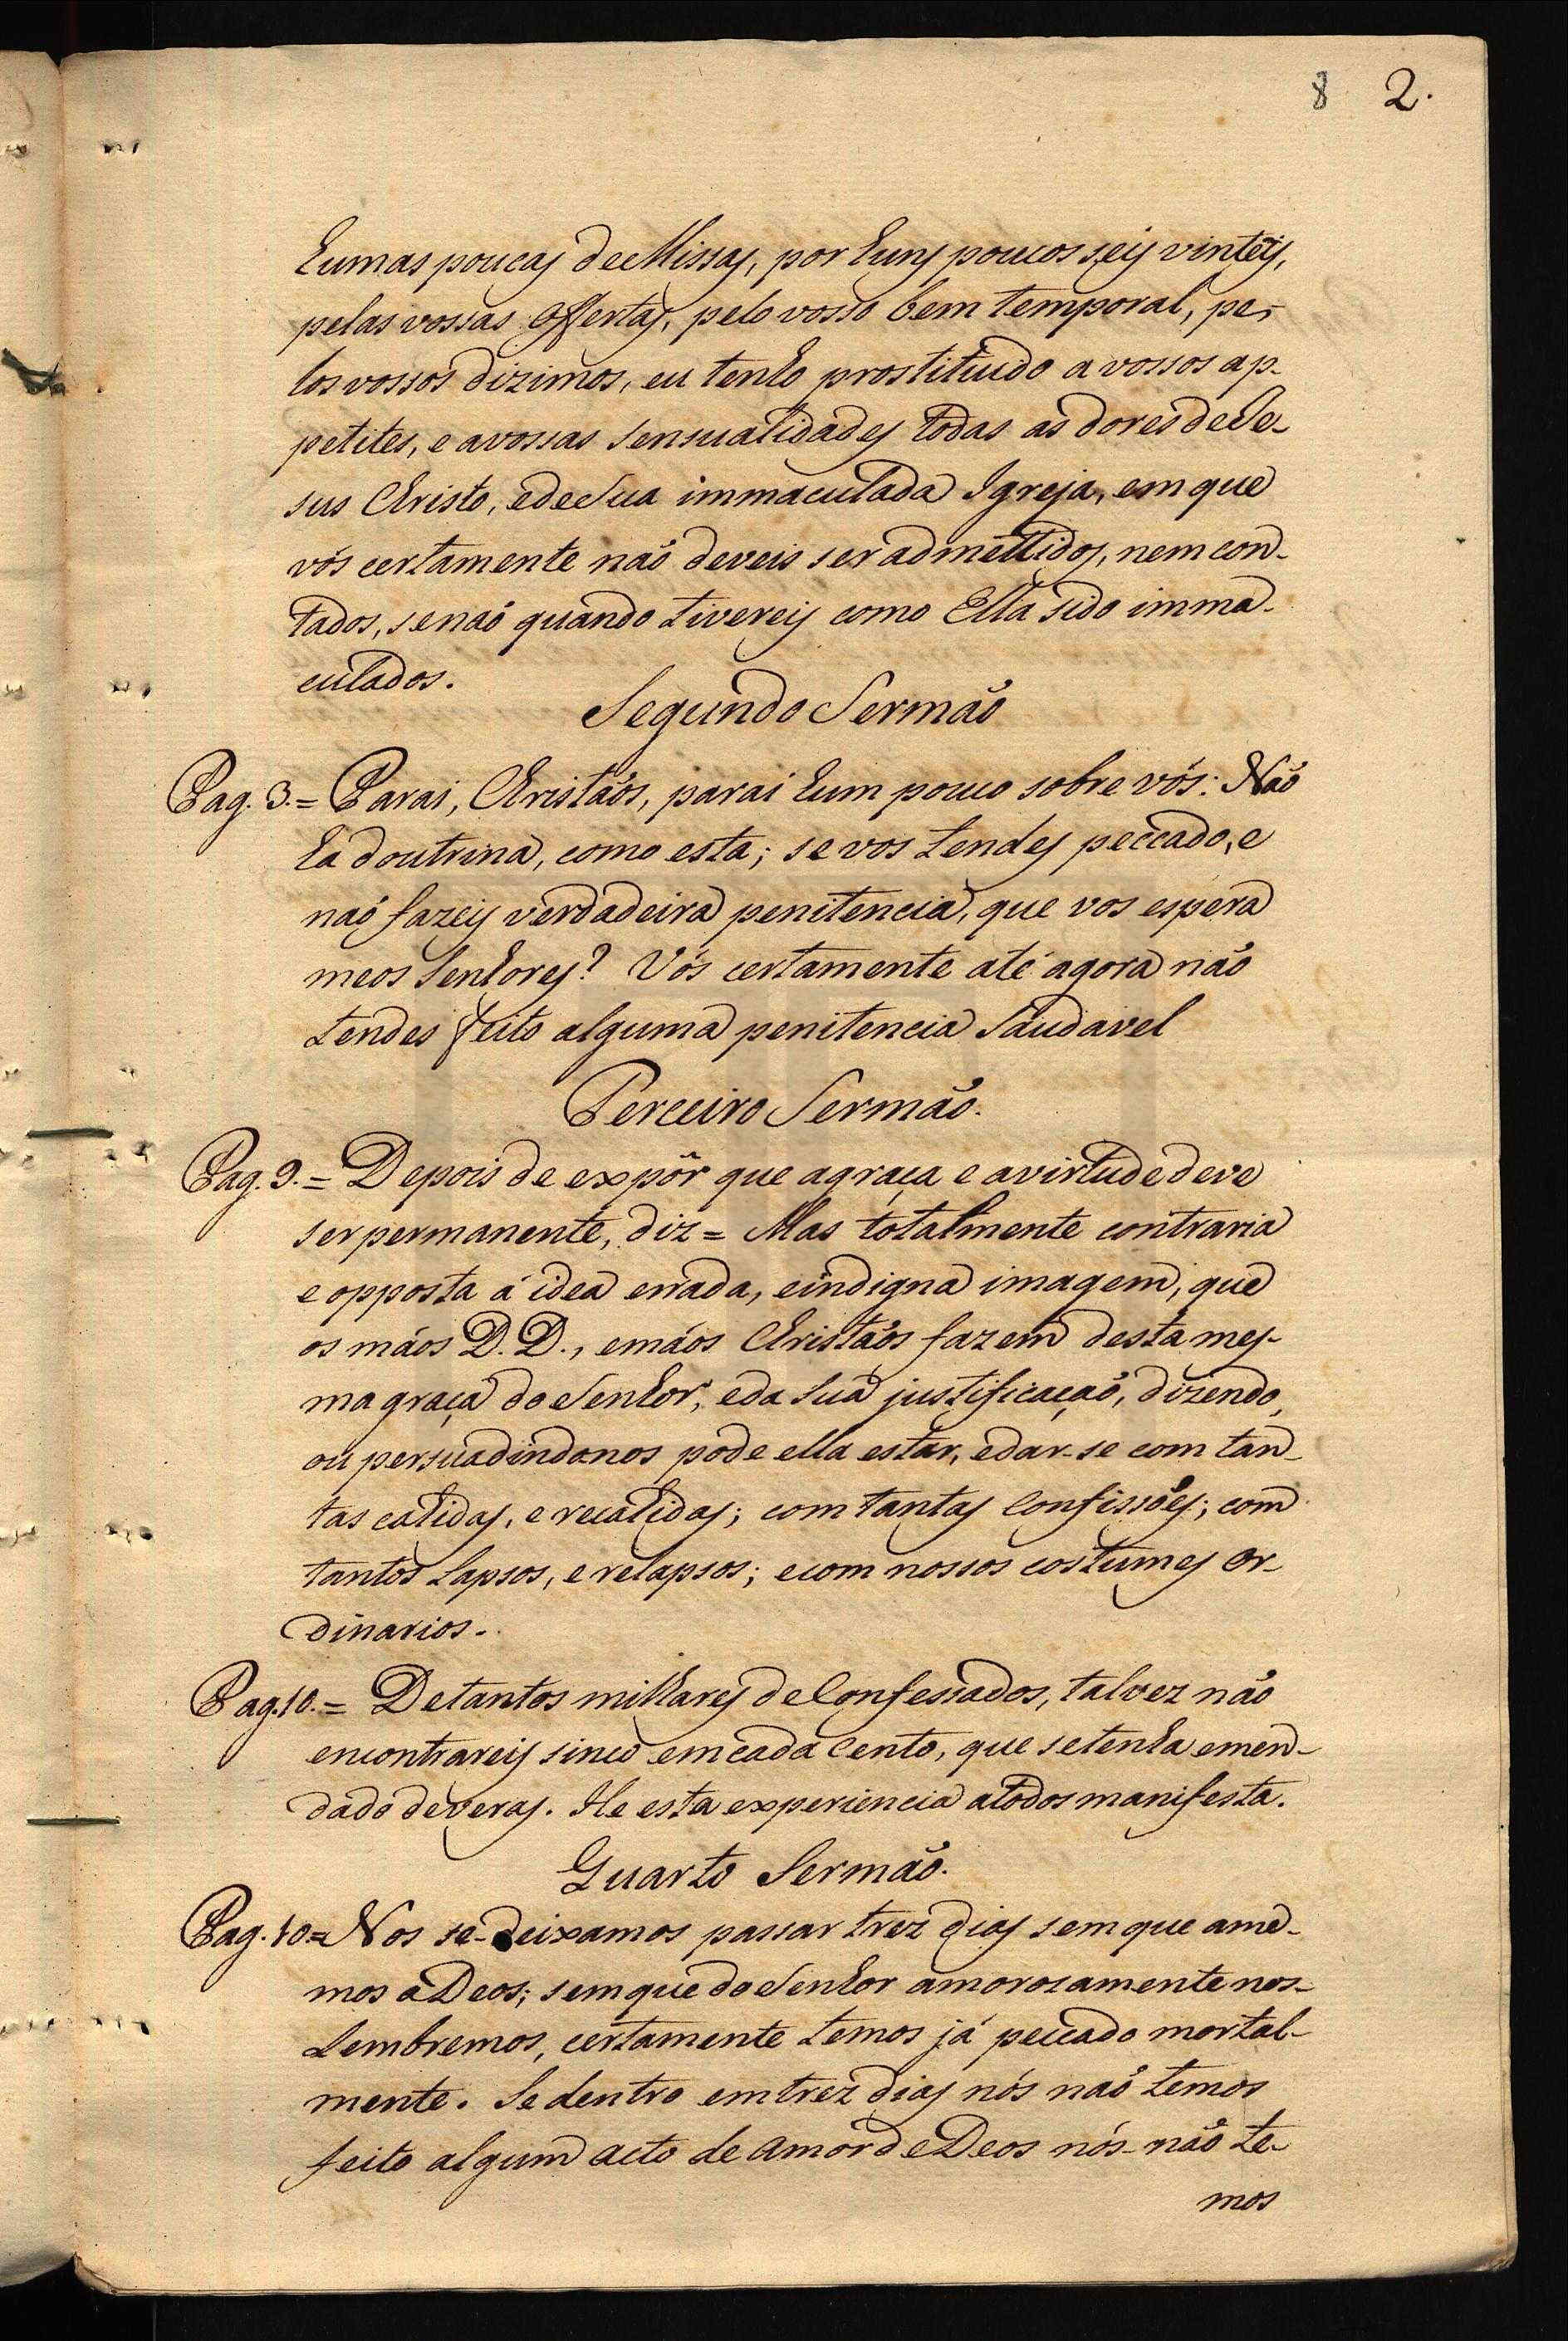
2.
humas poucas de Missas, por huns poucos seis vinteis,
pelas vossas Offertas, pelo vosso bem temporal, pe
los vossos dizimos, eu tenho prostituido a vossos ap
petites, e a vossas sensualidades todas as dores de Ie
sus Christo, e de Sua immaculada Igreja, em que
vós certamente naõ deveis ser admettidos, nem con
tados, senaõ quando tivereis como Ella sido imma
culados.
Segundo Sermaõ
Pag. 3. = Parai, Christaõs, parai hum pouco sobre vós: Não
ha doutrina, como esta; se vos tendes peccado, e
naõ fazeis verdadeira penitencia, que vos espera
meos Senhores? Vós certamente até agora naõ
tendes feito alguma penitencia Saudavel
Terceiro Sermaõ
Pag. 9. = Depois de expôr que a graça e virtude deve
ser permanente, diz = Mas totalmente contraria
e opposta á idea errada, e indigna imagem, que
os máos D.D., e máos Christaõs fazem desta mes
ma graça do Senhor, e da Sua justificaçaõ, dizendo
ou persuadindonos pode ella estar, e dar-se com tan
tas cahidas, e recahidas; com tantas confissões; com
tantos Lapsos, e relapsos; e com nossos costumes or
dinarios.
Pag.10. = De tantos milhares de Confessados, talvez naõ
encontrareis sinco em cada cento, que se tenha emen
dado deveras. He esta experiencia a todos manifesta.
Quarto Sermaõ.
Pag. 10. = Nos se-deixamos passar trez dias sem que ame
mos a Deos; sem que do Senhor amorozamente nos-
Lembremos, certamente temos já peccado mortal
mente. Se dentro em trez dias nós naõ temos
feito algum acto de amor de Deos nós-não te
mos
